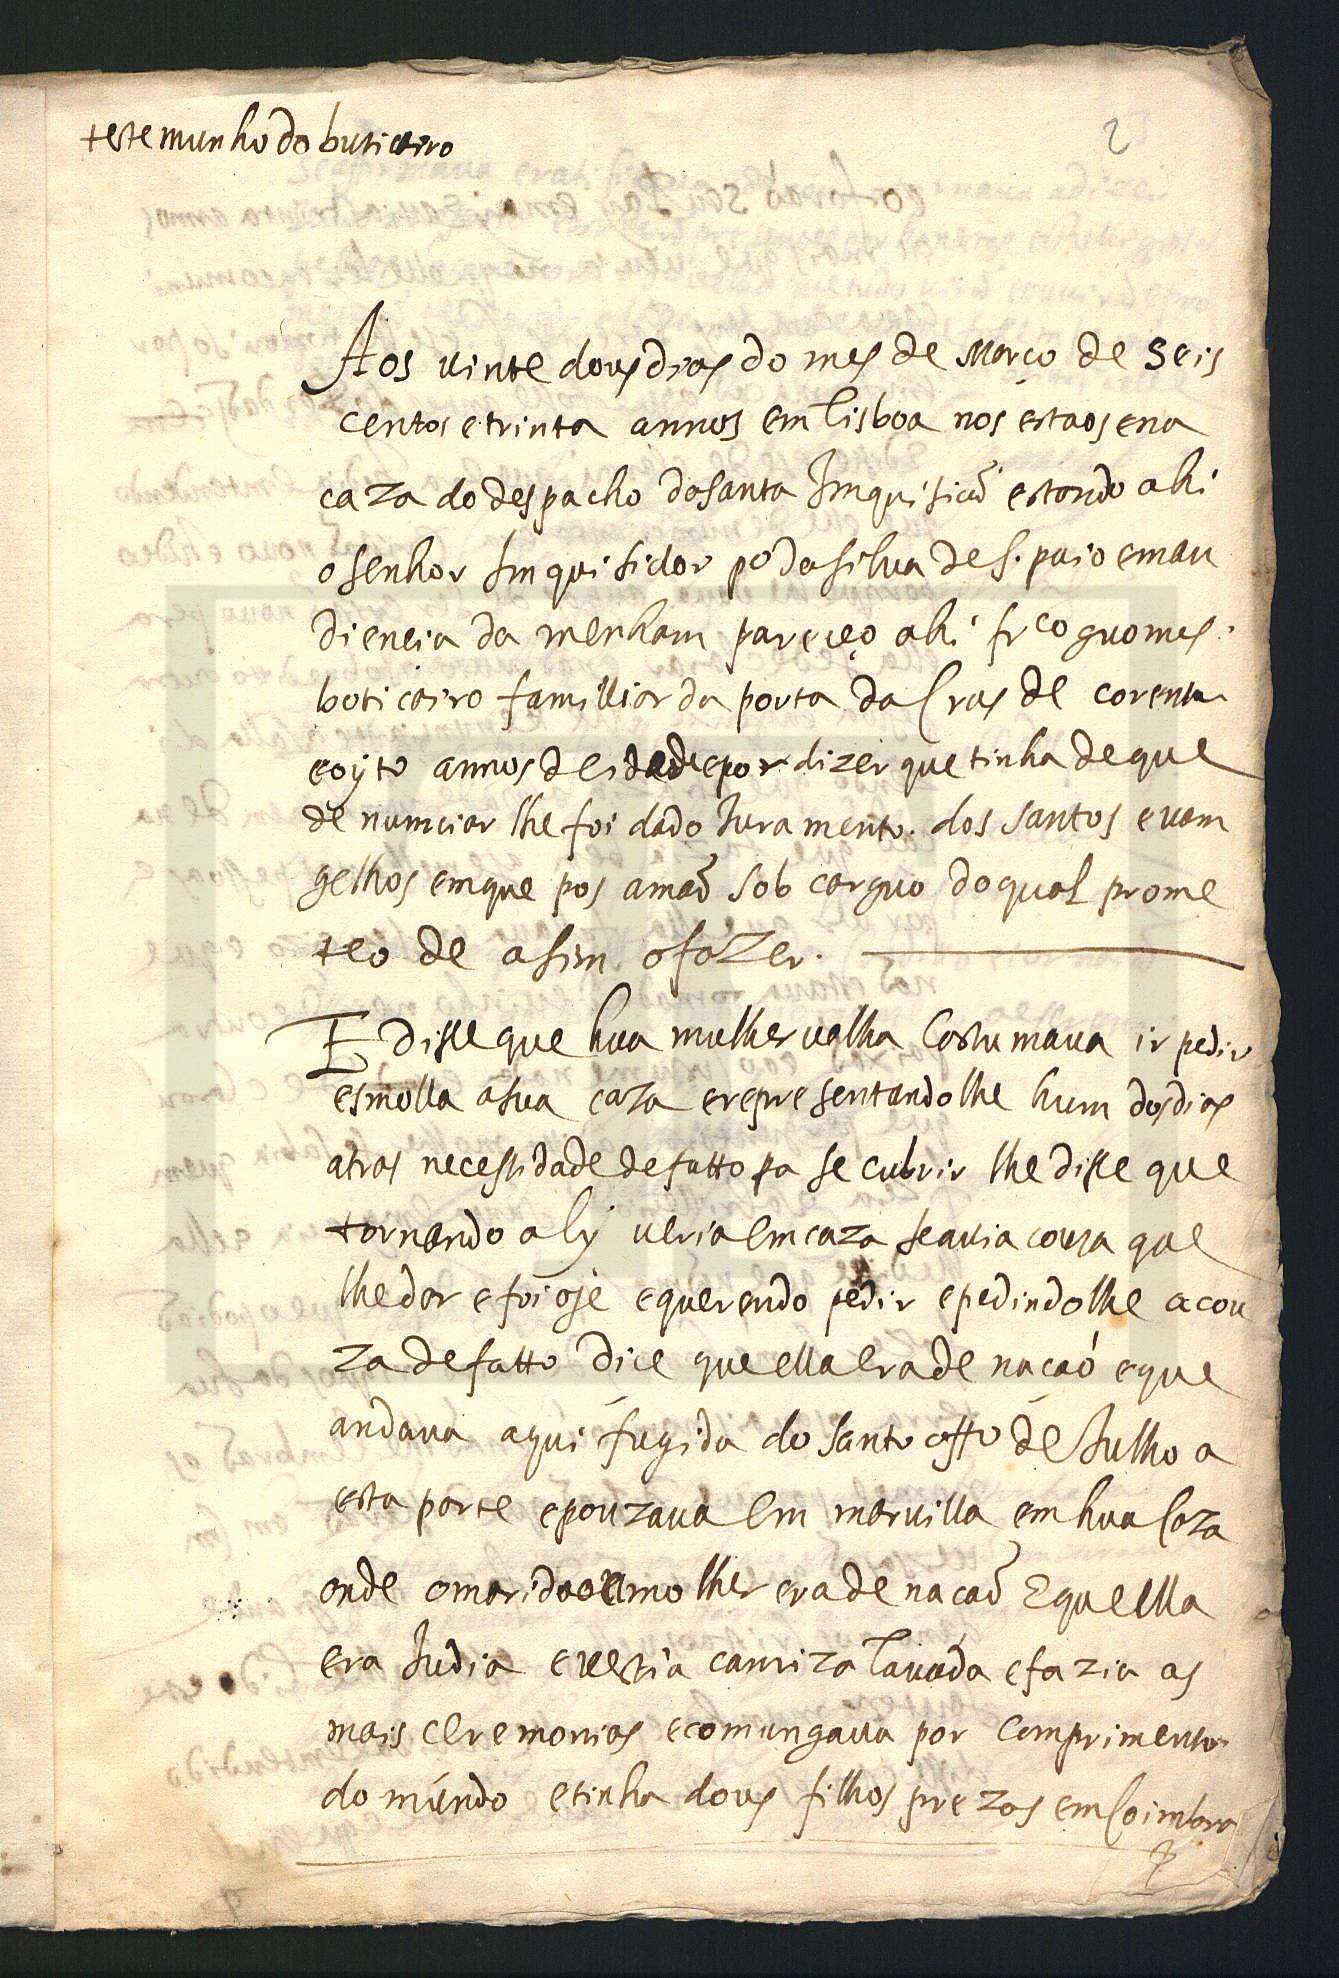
testemunho do buticairo
Aos uinte dous dias do mes de Março de seis
centos e trinta annos em lisboa nos estaos e na
caza do despacho da santa Imquisiçaõ estando ahi
o senhor Imquisidor po da silua de s. paio em au
diencia da menham pareceo ali frco guomes
boticairo familliar da porta da Crus de corenta
e oyto annos de idade e por dizer que tinha de que
denunciar lhe foi dado Iuramento dos santos euam
gelhos em que pos a maõ sob carguo do qual prome
teo de asim o fazer.
E disse que hua mulher uelha costumaua ir pedir
esmolla a sua caza e representandolhe hum dos dias
atras necessidade de fatto pa se cubrir lhe disse que
tornando aly ueria em caza se auia couza que
lhe dar e foi oje e querendo pedir e pedindolhe a cou
za de fatto dice que ella era de naçaõ e que
andaua aqui fugida do santo offo de Iulho a
esta parte e pouzaua em maruilla em hua Caza
onde o marido e a molher era de naçaõ E que ella
era Iudia e uestia camiza lauada e fazia as
mais ceremonias e comungaua por comprimento
do mundo e tinha dous filhos prezos em Coimbra
